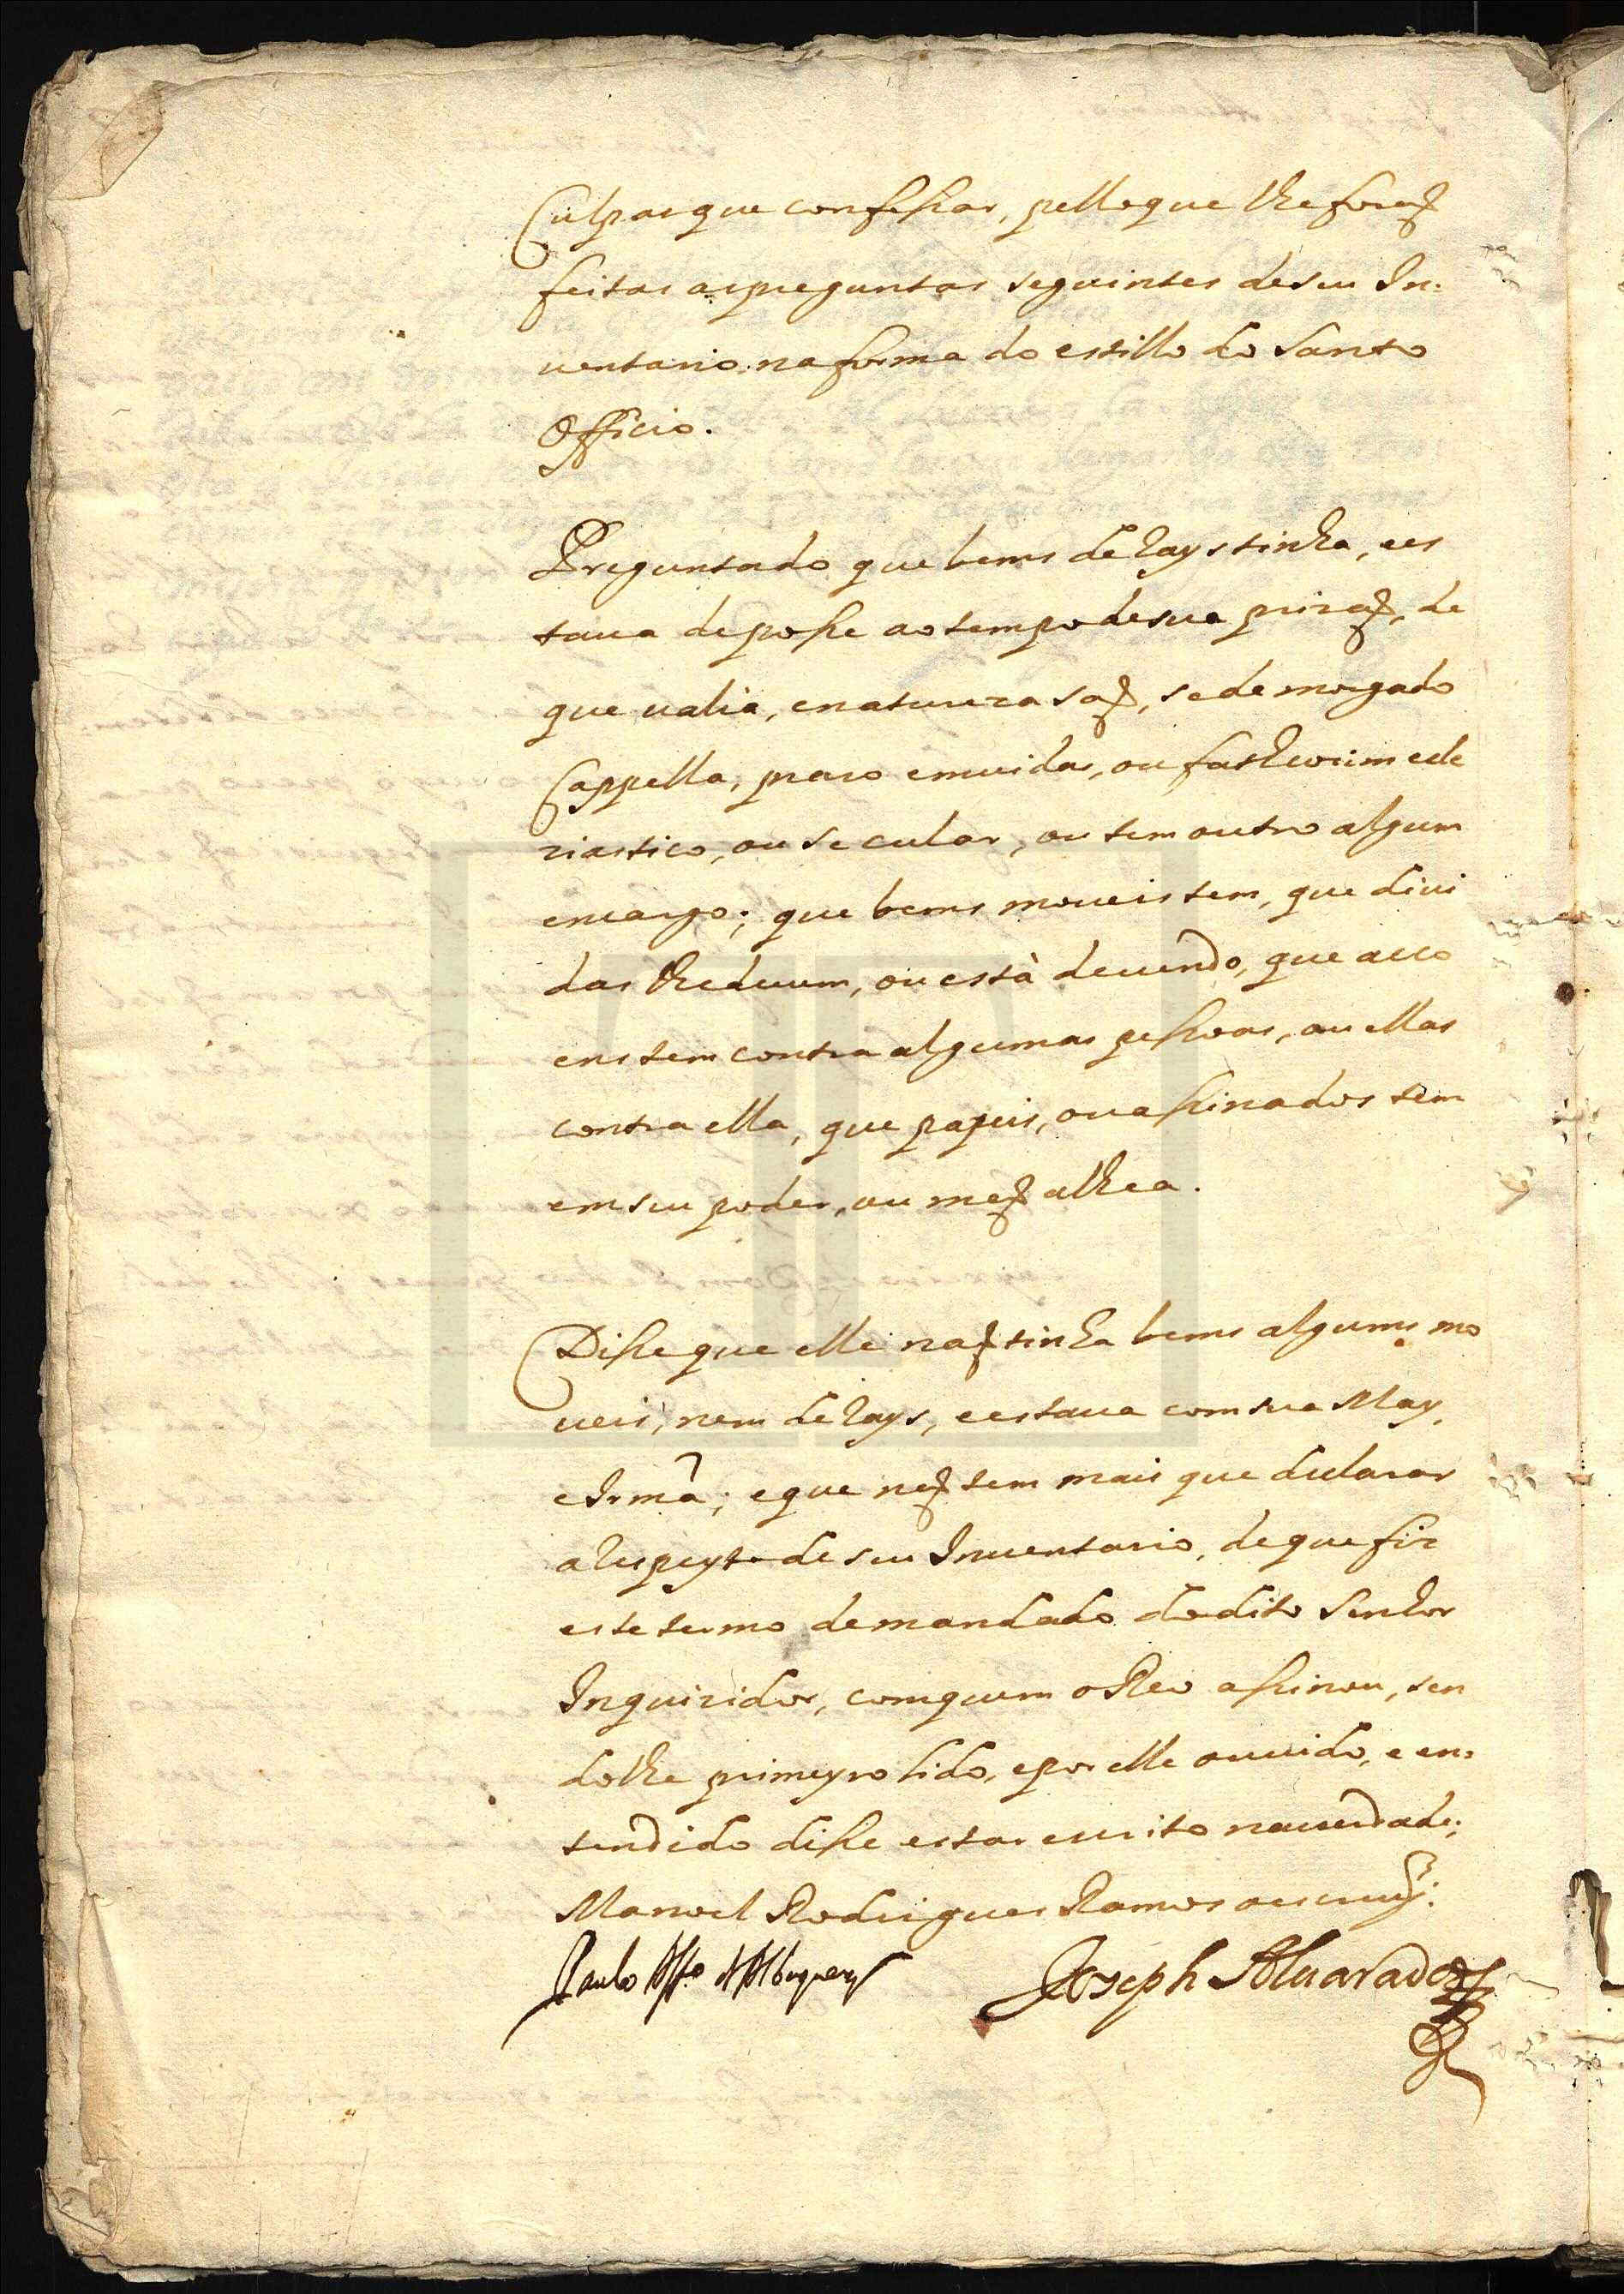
Culpas que confessar, pello que lhe foraõ
feitas as preguntas seguintes de seu In
uentario na forma do estillo do Santo
Officio.
Preguntado que bems de Rays tinha, e es
taua de posse ao tempo de sua prizaõ, de
que ualia, e natureza saõ, se de morgado
Cappella, prazo em uida, ou fatheosim ecle
ziastico, ou secular, ou tem outro algum
encargo; que bems moueis tem, que diui
das lhe deuem, ou està deuendo, que acco
ens tem contra algumas pessoas, ou ellas
contra ella, que papeis, ou assinados tem
em seu poder, ou maõ alhea.
Disse que elle naõ tinha bems algums mo
ueis, nem de Rays, e estaua com sua May,
e Irmã; e que naõ tem mais que declarar
a Respeyto de seu Inuentario, de que fiz
este termo de mandado do dito Senhor
Inquizidor, com quem o Reo assinou, sen
do lhe primeyro lido, e por elle ouuido, e en
tendido disse estar escrito na uerdade;
Manoel Rodrigues Ramos o escreuj.
Paulo Aff.o d̄ Albuquerq̄
Joseph Aluarado
